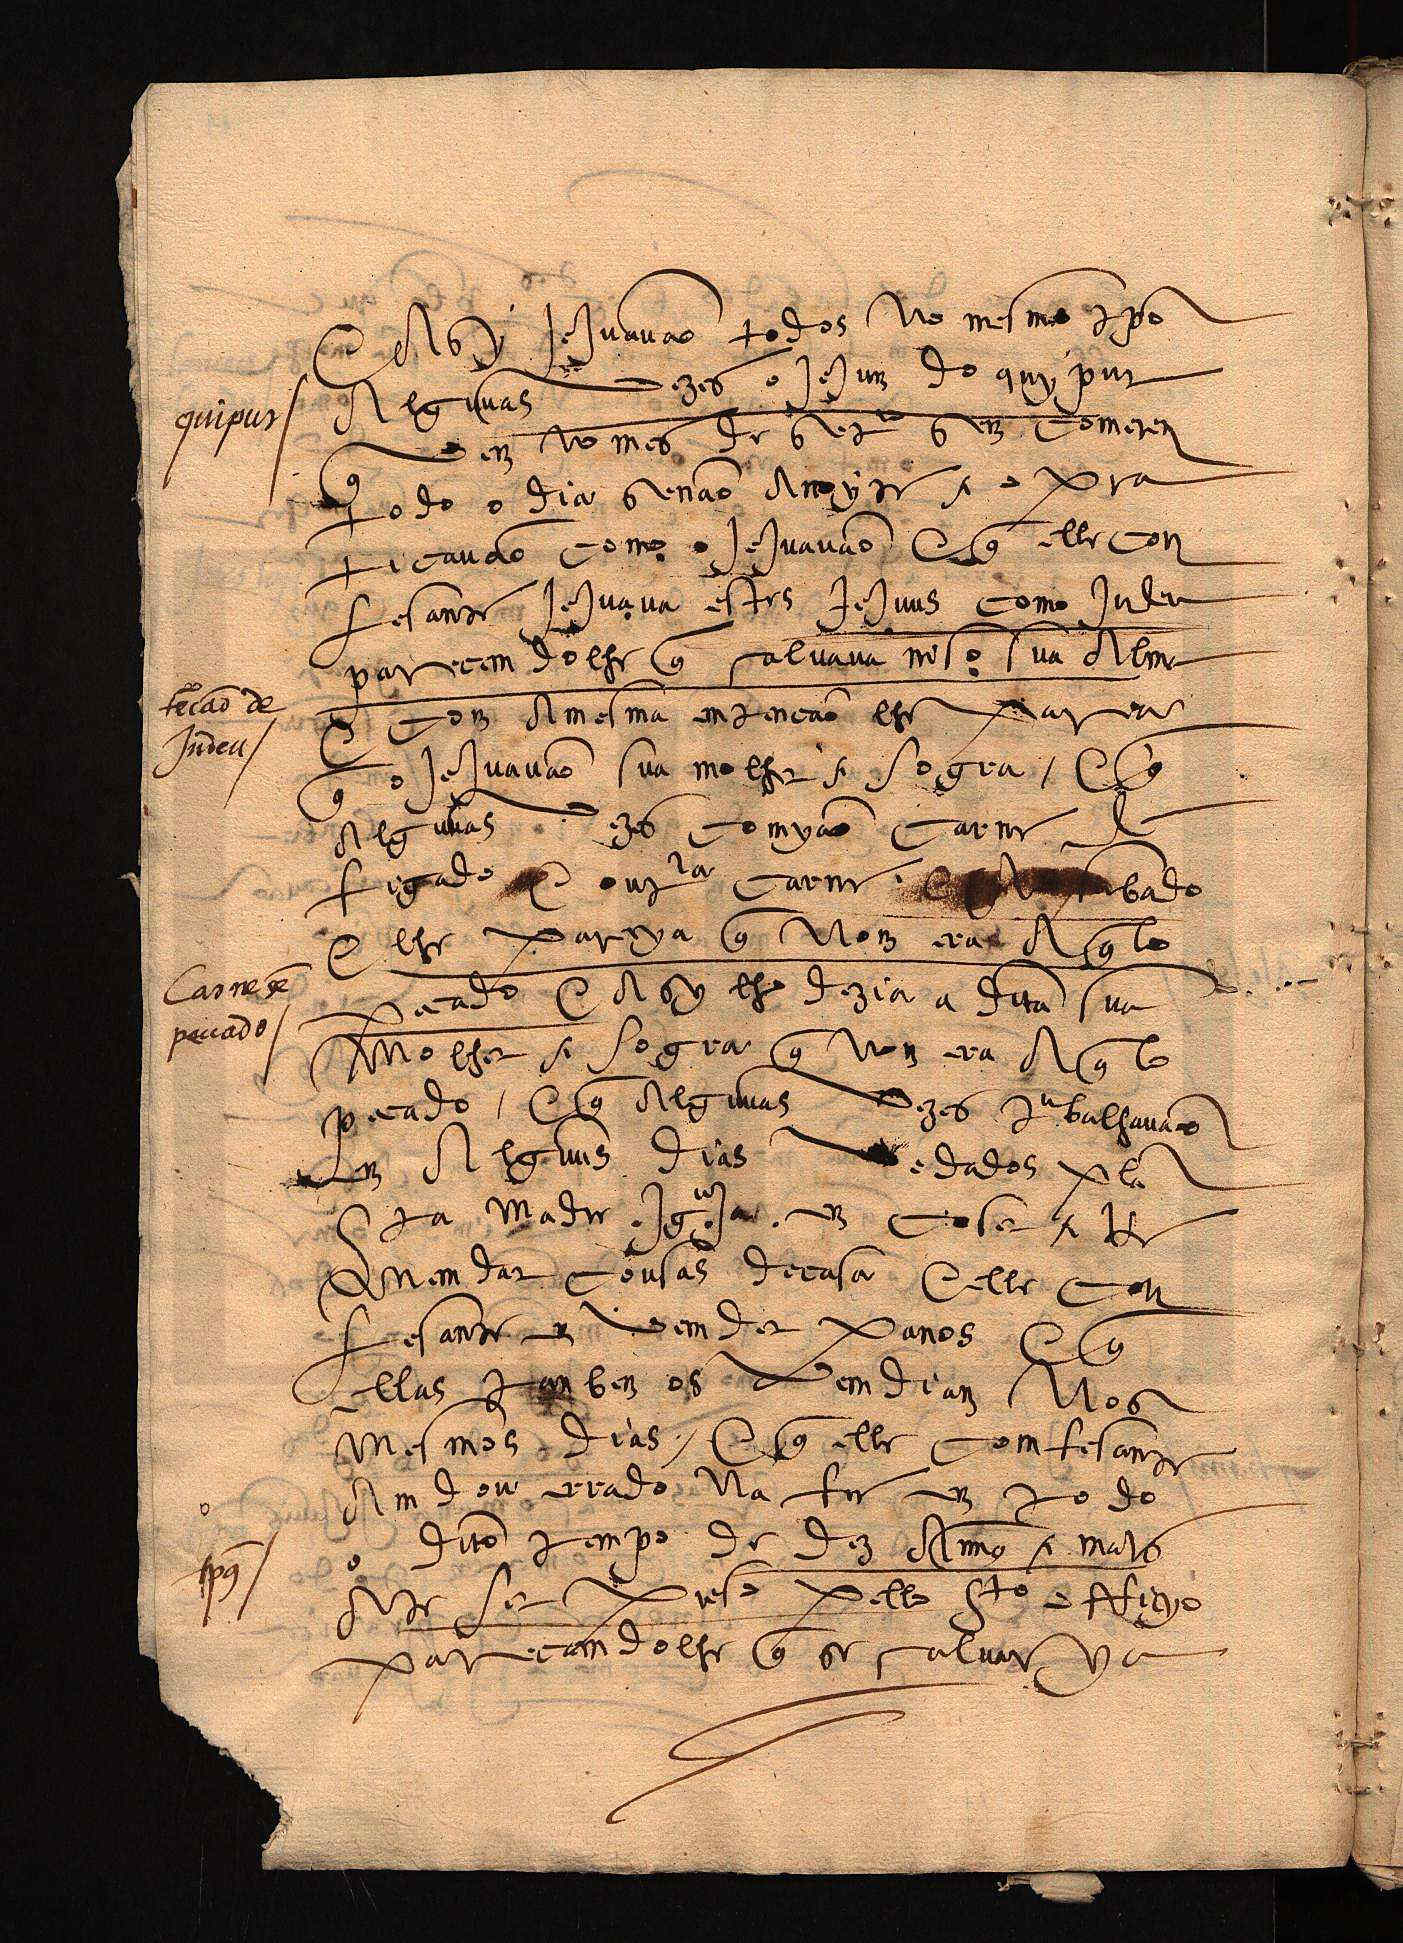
e Asy JeJuauão todos No mesmo tpō
Alguūas vezes o JeJum do quypur
quipur
q̄ vem no mes de setro sem comerem
todo o dia senão A noyte e o pra
ticauão como o JeJuauão e q̄ elle con
fesante JeJuaua estes JeJuus como Judeu
parecemdolhe q̄ saluaua niso sua Alma
tēção de
e com A mesma emtençaõ lhe parecia
Judeu
q̄ o JeJuauão sua molher e Sogra / e q̄
Alguūas vezes comyão carne de
figado e outra carne e _ sabado
e lhe parecya q̄ Nom era Aq̄lo
Carne sē
pecado e Asy lhe dezia a dīta sua
peccado
Molher e sogra q̄ nom era Aq̄lo
pecado / e q̄ Alguūas vezes tabalhauão
em Algūus dias vedados pl̄a
Sta madre JḡJa em casa e Re
mendar cousas de casa e elle con
fesante em vemder panos e q̄
ellas tambem os vemdiam Nos
mesmos dias ./ e q̄ elle comfesante
Amdou errado Na fee em todo
o dīto tempo de dez An̄nꝯ e majs
tpꝯ̄
Ate ser preso pello Sto officyo
parecemdolhe q̄ se saluarya
